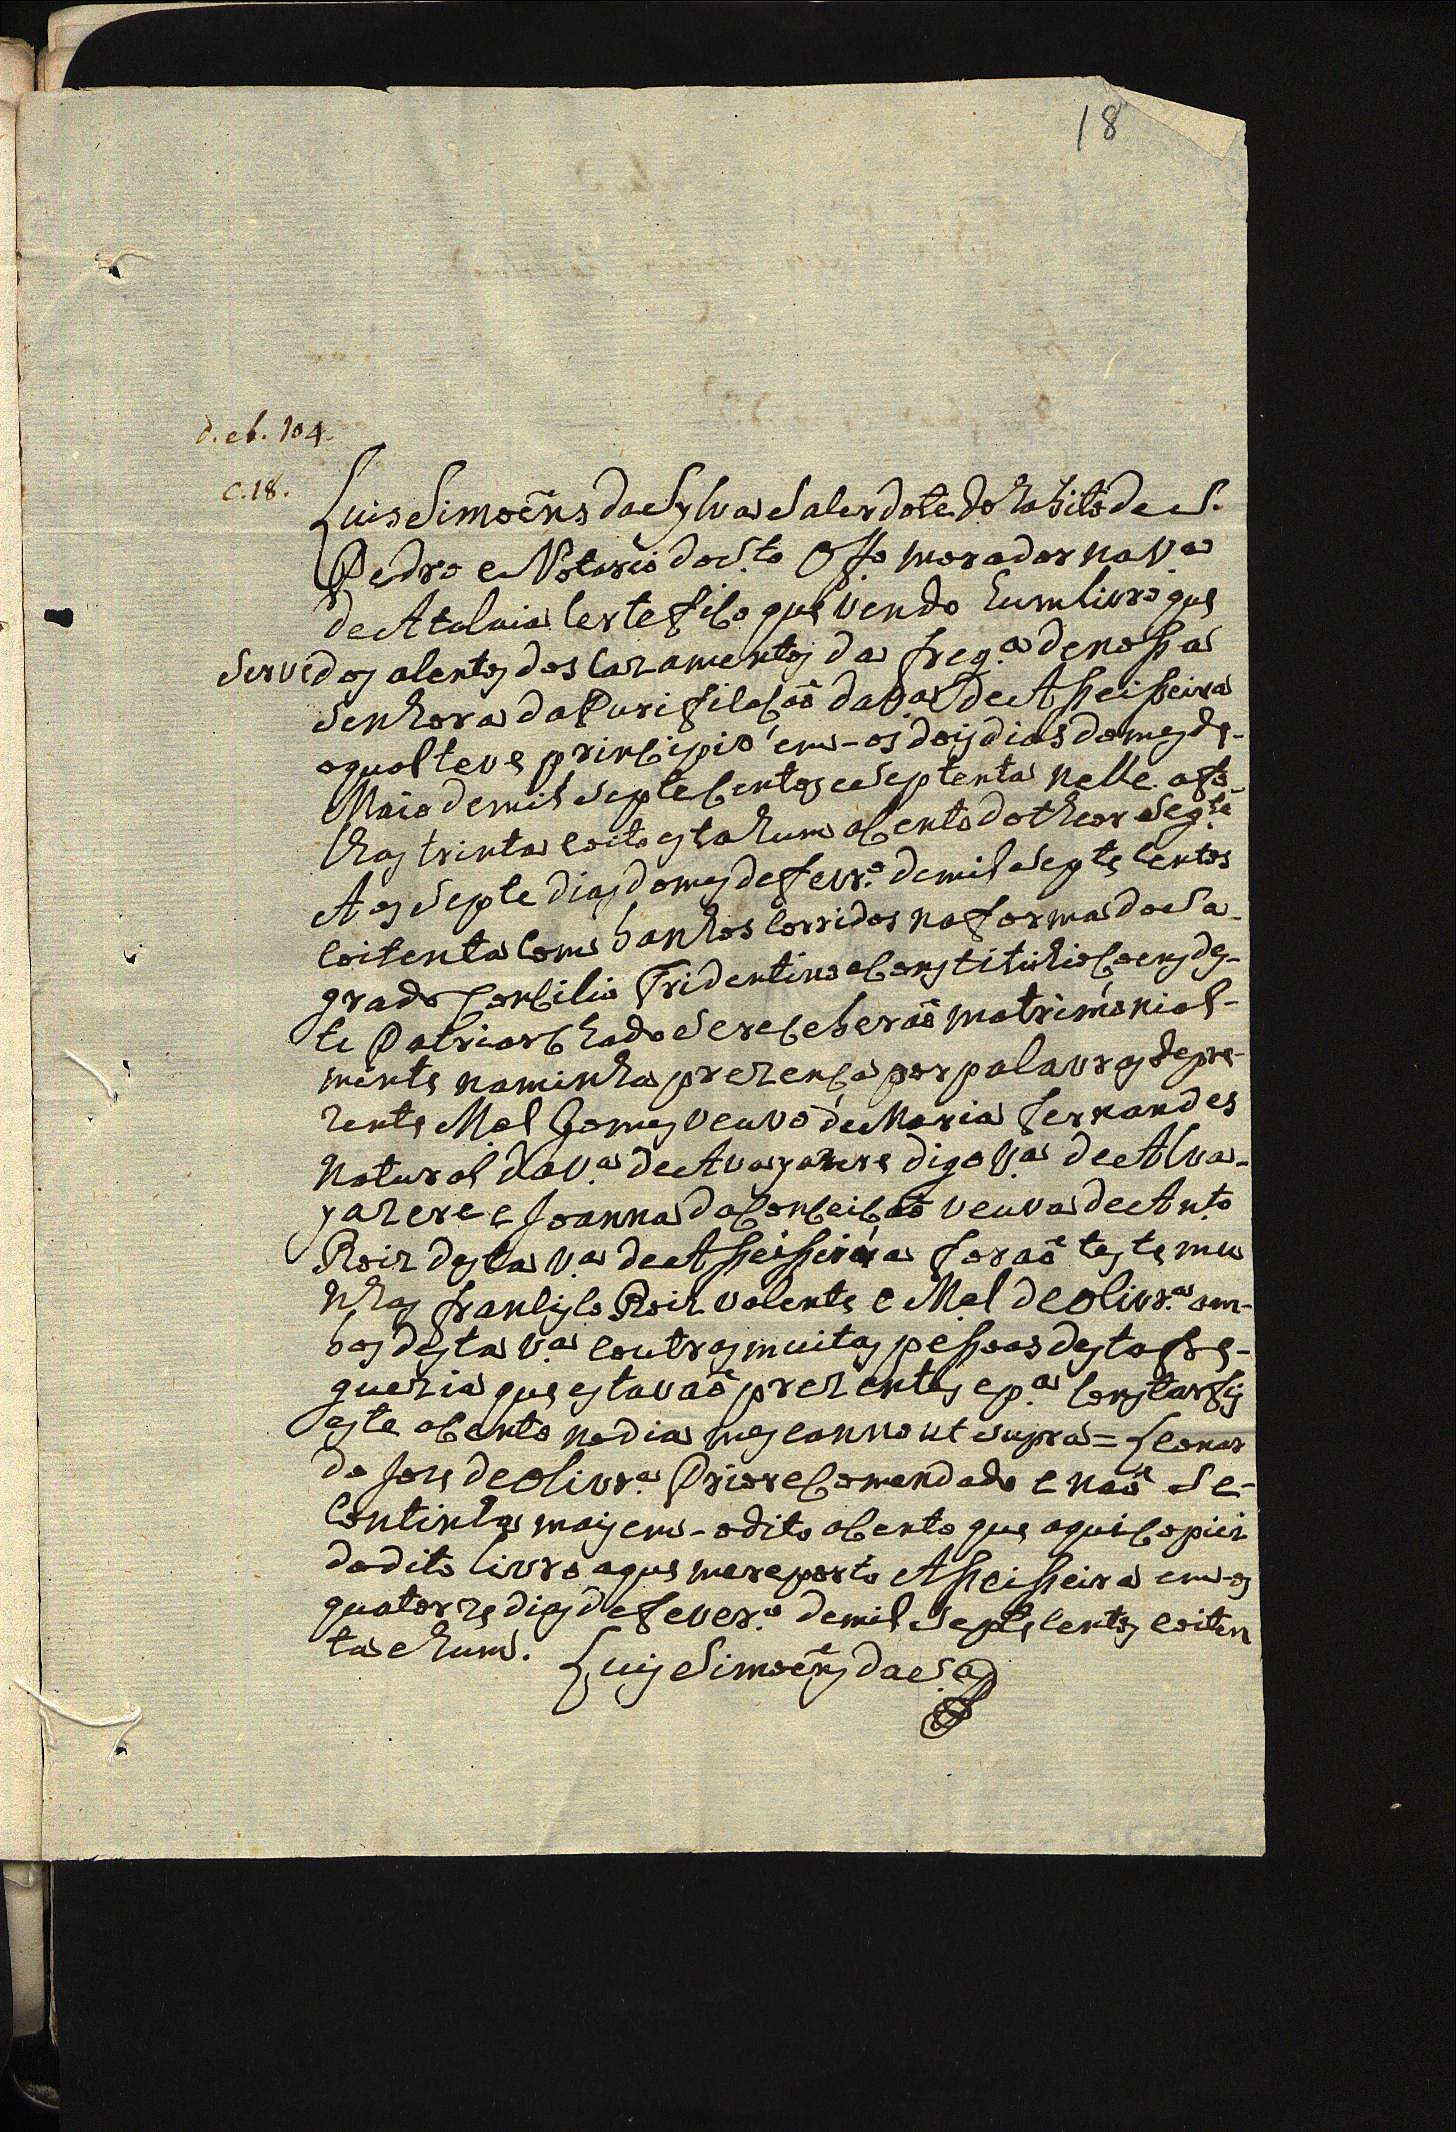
d.eb. 104
c.18.
Luis Simoēns da Sylva Sacerdote do habito de S.
Pedro e Notario do S.to Off.o morador na V.a
de Atalaia Certefico que vendo hum livro que
serve dos acentos dos cazamentos da freg.a de nossa
Senhora da PurificaÇaõ da V.a de Asseisseira
o qual teve principio em os dois dias do mes de
Maio de mil septeCentos e septenta nelle a fo
lhas trinta e oito esta hum asento do theor seg.te
Aos septe dias do mes de fevr.o de mil septecentos
e oitenta com banhos corridos na forma do sa
grado Concilio Tridentino e ConstiteihioÇoens des
te Patriarchado se reCeberaõ matrimonial
mente na minha prezenÇa por palavras de pre
zente M.el Gomes veuvo de Maria Fernandes
natural da V.a de Avayazere digo V.a de Alva
yazere e Joanna da ConceiÇaõ veuva de Ant.o
Roiz desta V.a de Asseisseira Foraõ testemu
nhas francisco Roiz valente e M.el de olivr.a am
bos desta v.a e outras muitas pessoas desta fre
guezia que estavaõ prezentes e p.a Constar fis
este aCento no dia mes e anno ut supra = Leonar
do Joze de olivr.a Prior eComendado e naõ Se
continha mais em- o dito oCento que aqui Copiei
do dito livro a que me reporto Asseisseira em os
quatorze dias de fever.o de mil septecentos e oiten
ta e hum. Luis Simoens da S.a
